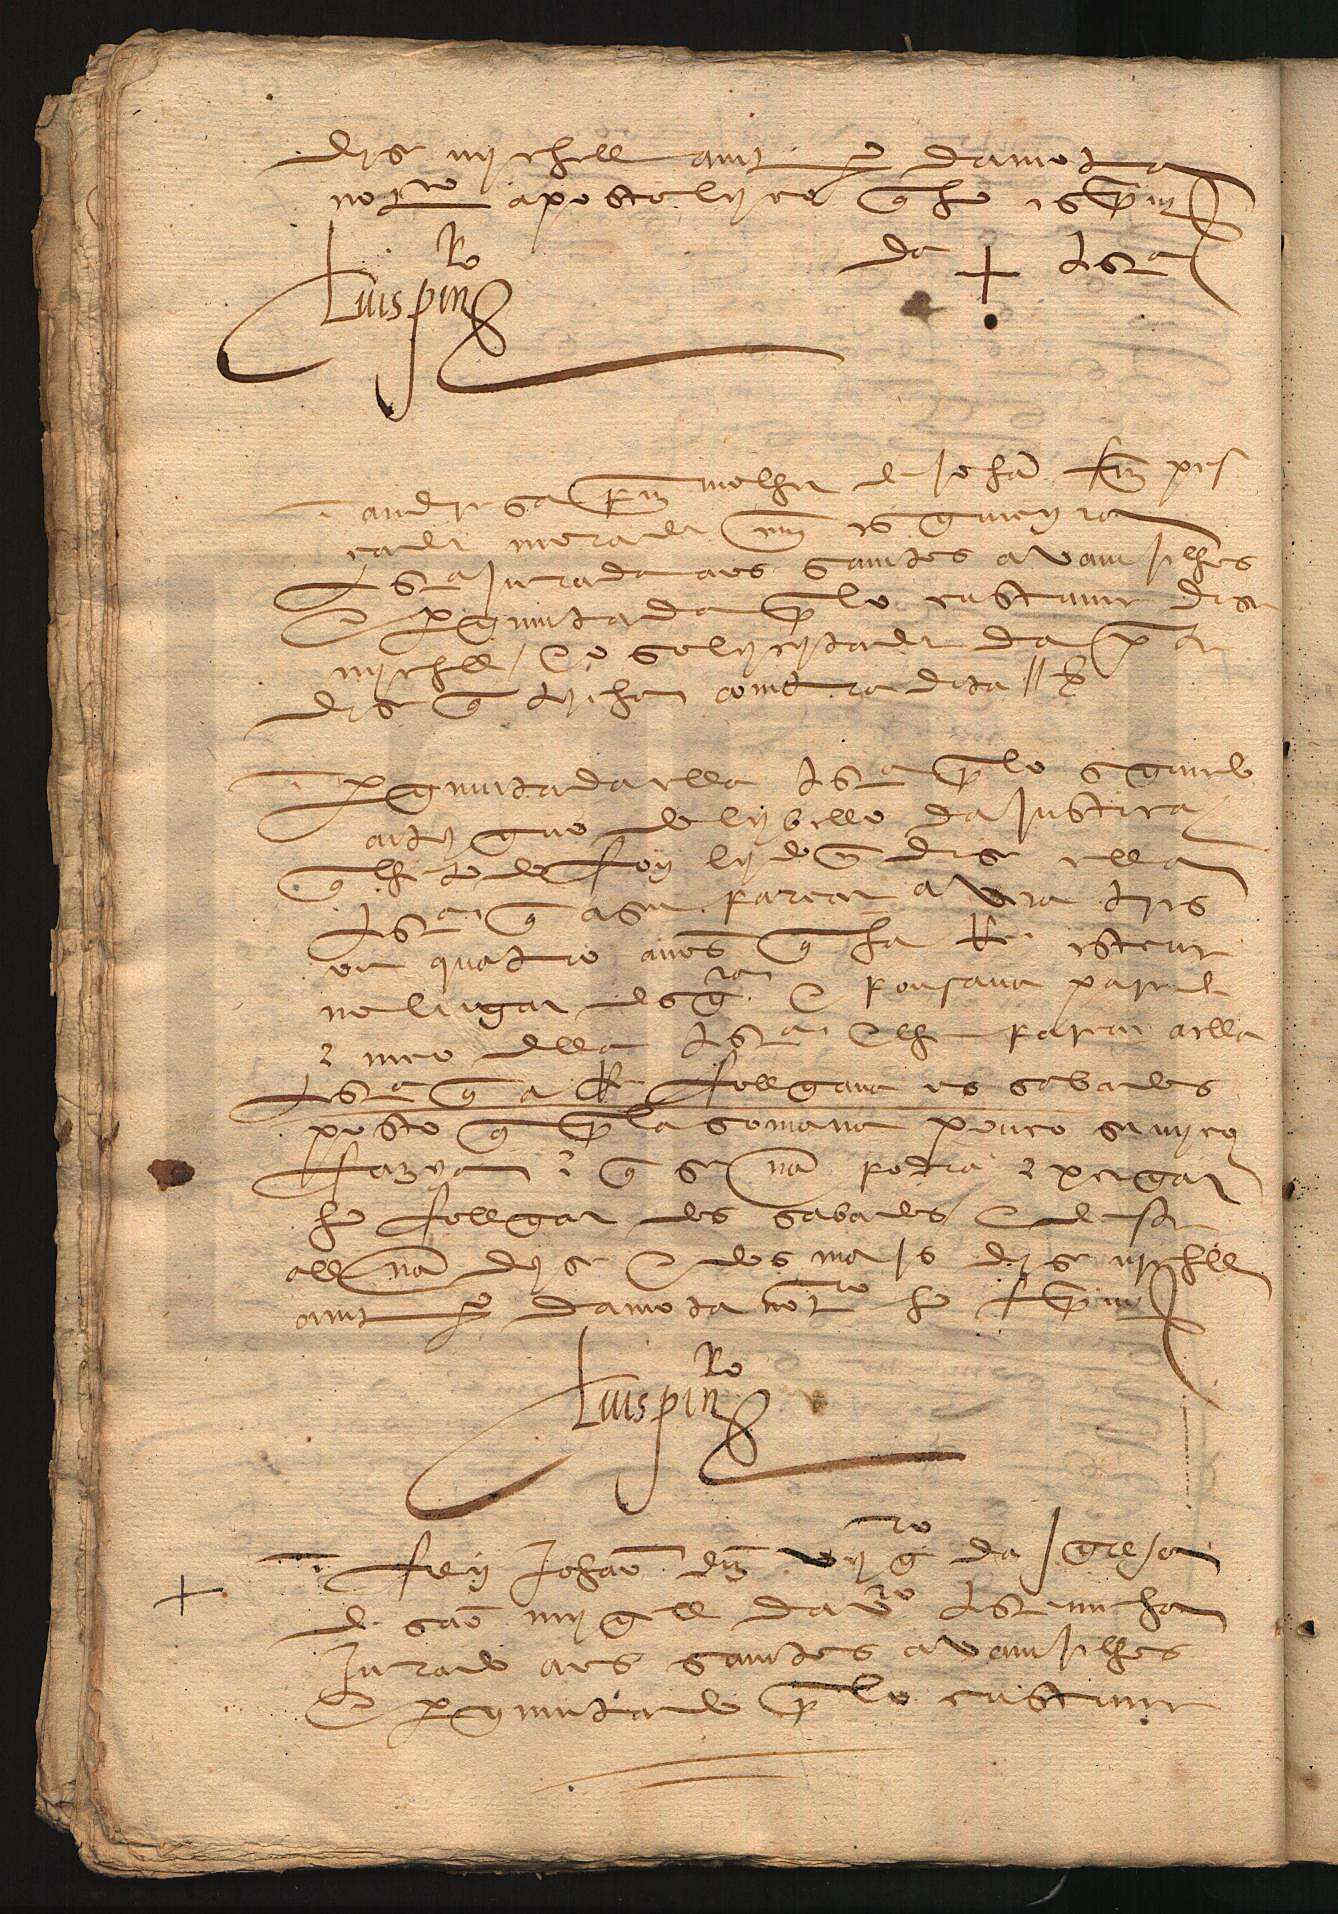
djse nychell amto da mota
notro apostolyco q̄ ho esp̄uj
da
testa
Luis pinro
item andresa p̄iz molher de Johā fr̄z pes
cador morador em esgueyra
testa Jurada aos samtos avamLelhos
e ꝑgumtada p̄lo custume dise
nychell / e o solycytador da p̄te
djse q̄ tynha comtradita //
item ꝑgumtada ella testa p̄lo segundo
artyguo do lybello da Justiça
q̄ lhe todo foy lydo c̄ dise ella
testa q̄ a seu parecer avera tres
ou quatro anōs q̄ ha Re esteue
no lugar desgra e pousaua parede
ē meo della testa e lhe parece a ella
testa q̄ a Re follgaua os sabados
posto q̄ p̄la somana pouco seruyço
fazya ē q̄ se nā podia ēxergar
ho follgar dos sabados / e deste
all na dyse e dos maJs djse njchell
amto da mota notro ho sp̄uy
Luis pinro
item frey Johaõ diz vygro da JgreJa
de saõ mygell davro testemunha
Jurado aos samtos avamgelhos
e ꝑgumtado p̄lo custume
